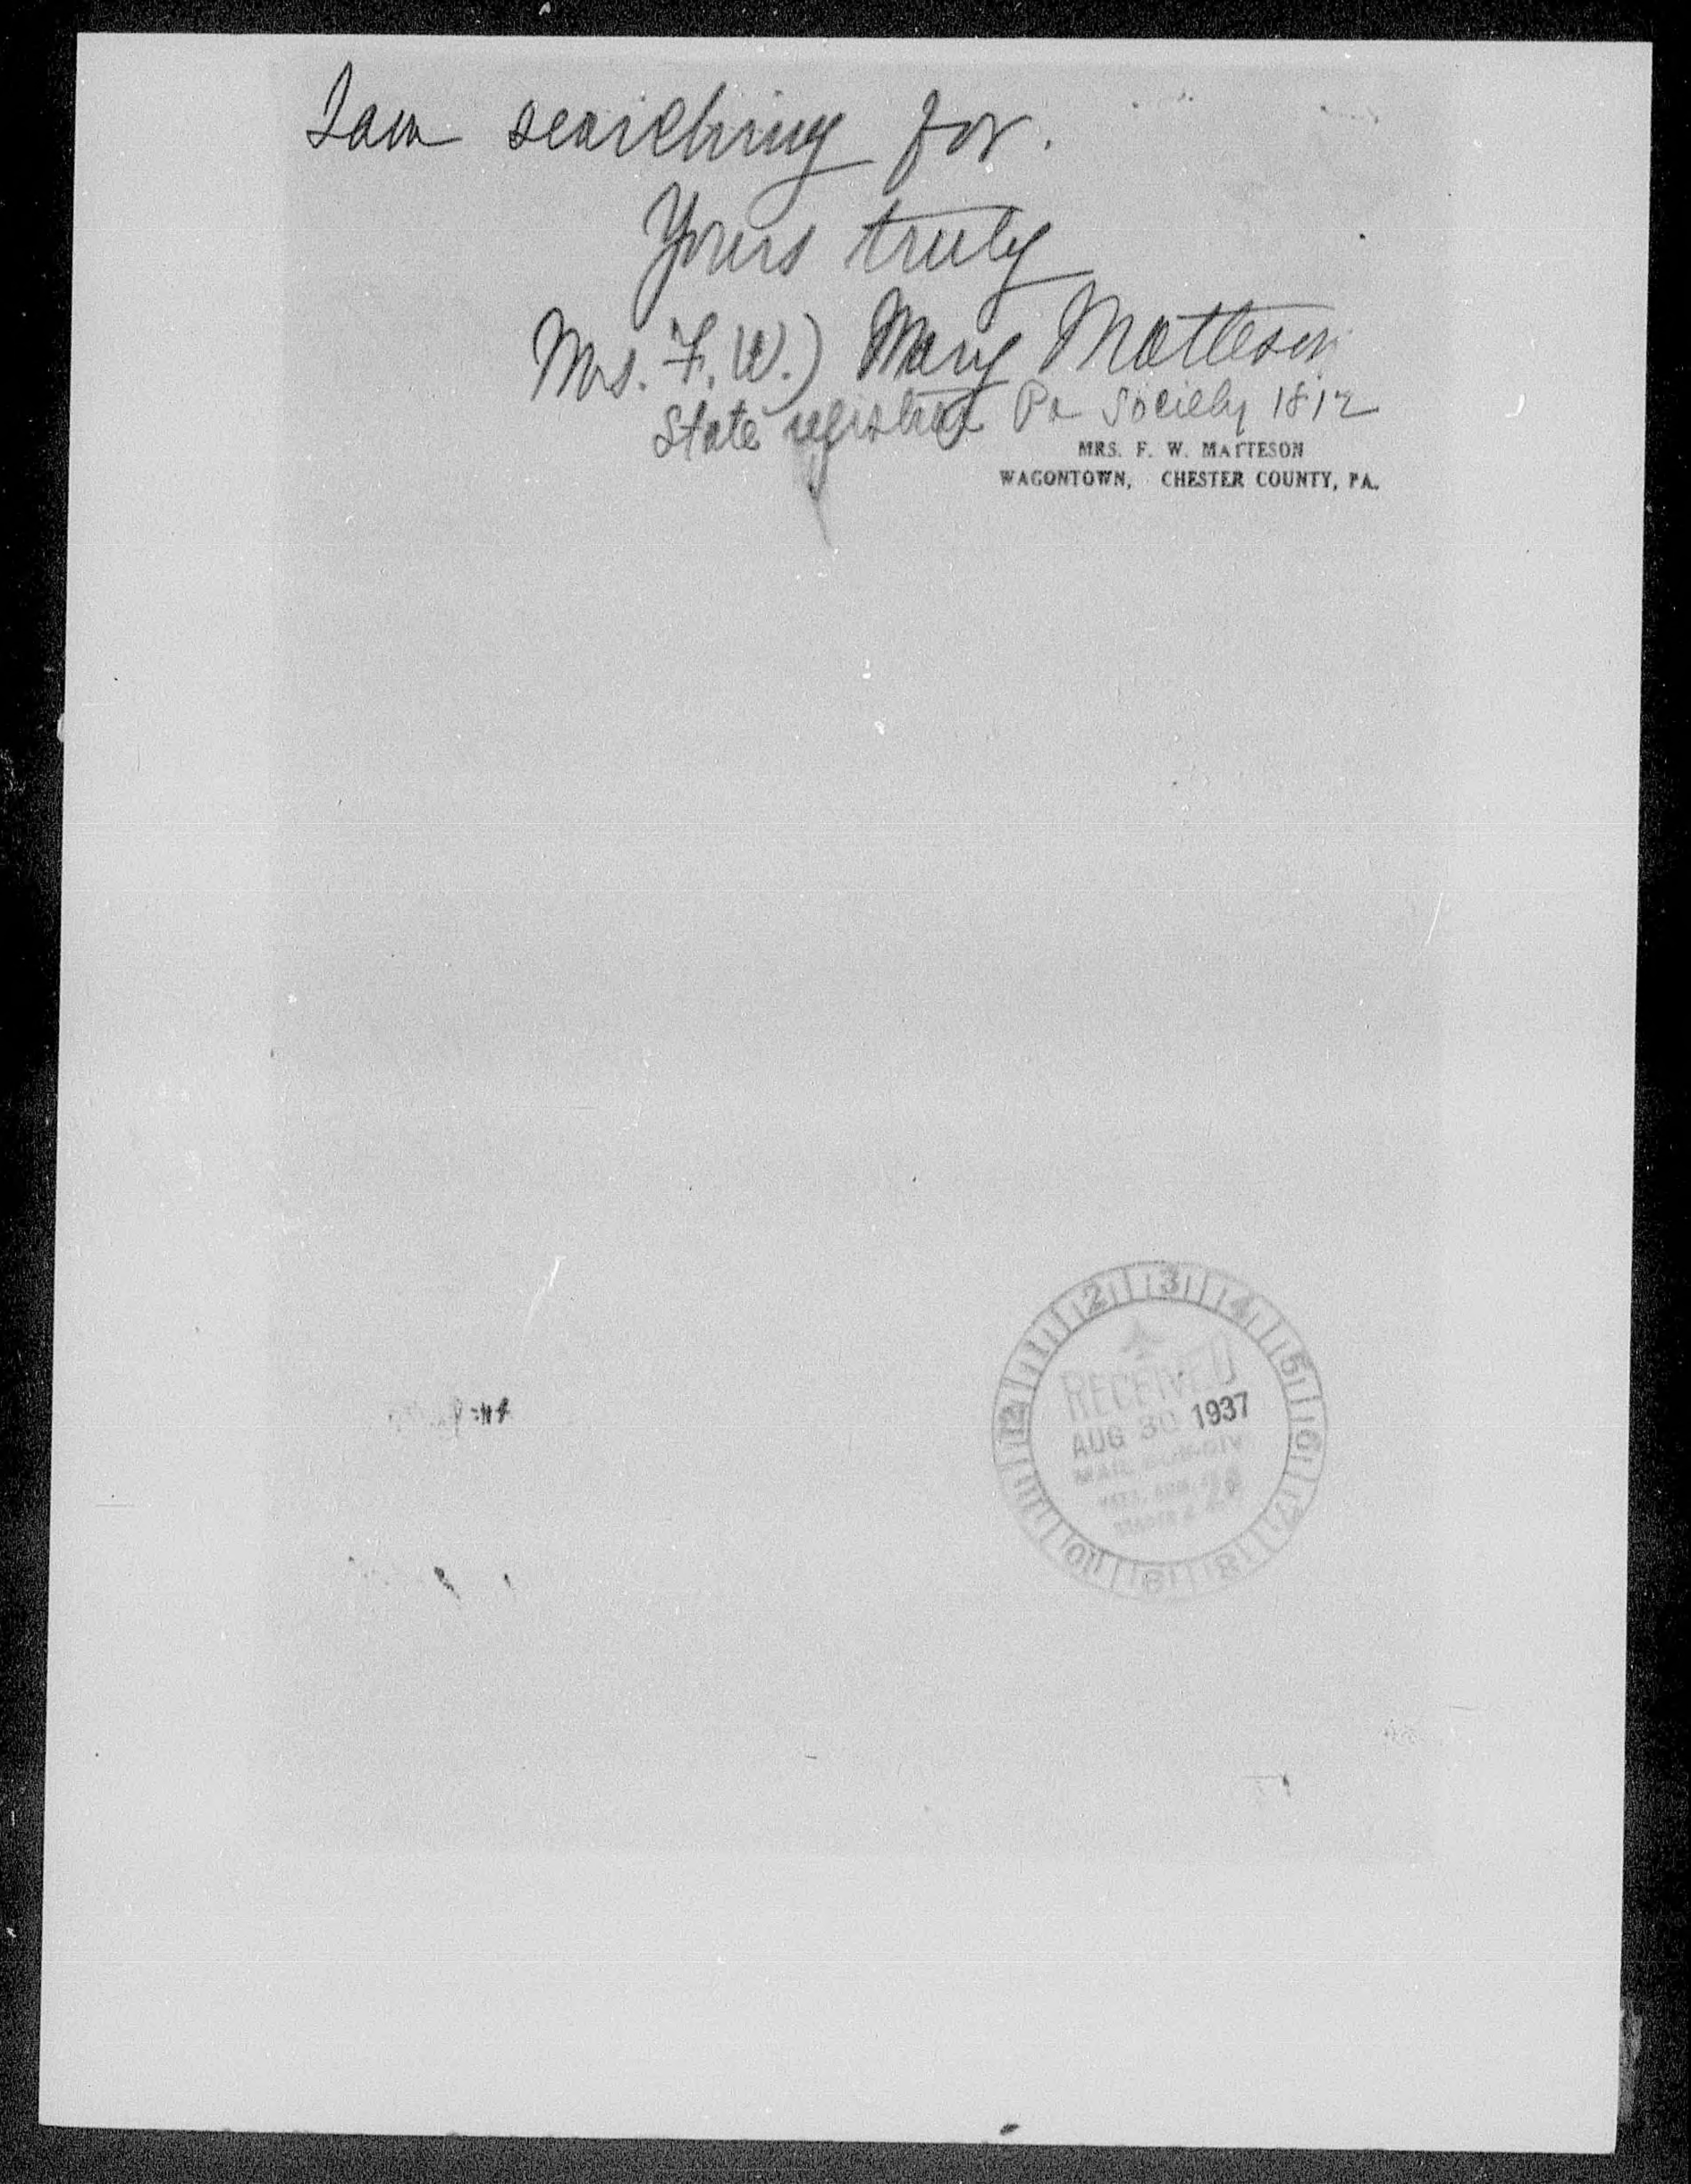I am searching for

Yours truly

Mrs. F. W. Mary Matteson

State Registrar Pa Society


(Black Ink Stamp)
MRS. F. W. MATTESON
WAGONTOWN, CHESTER COUNTY, PA.



(Black Ink Stamp)
RECEIVED
AUG 30 1937
MAIL SUB - DIV
VET ADM #2
READER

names: F W Matteson, Mary Matteson, Mary Matteson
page: 29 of 32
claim: rejected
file: R. 2441, Aaron Crane, New Jersey